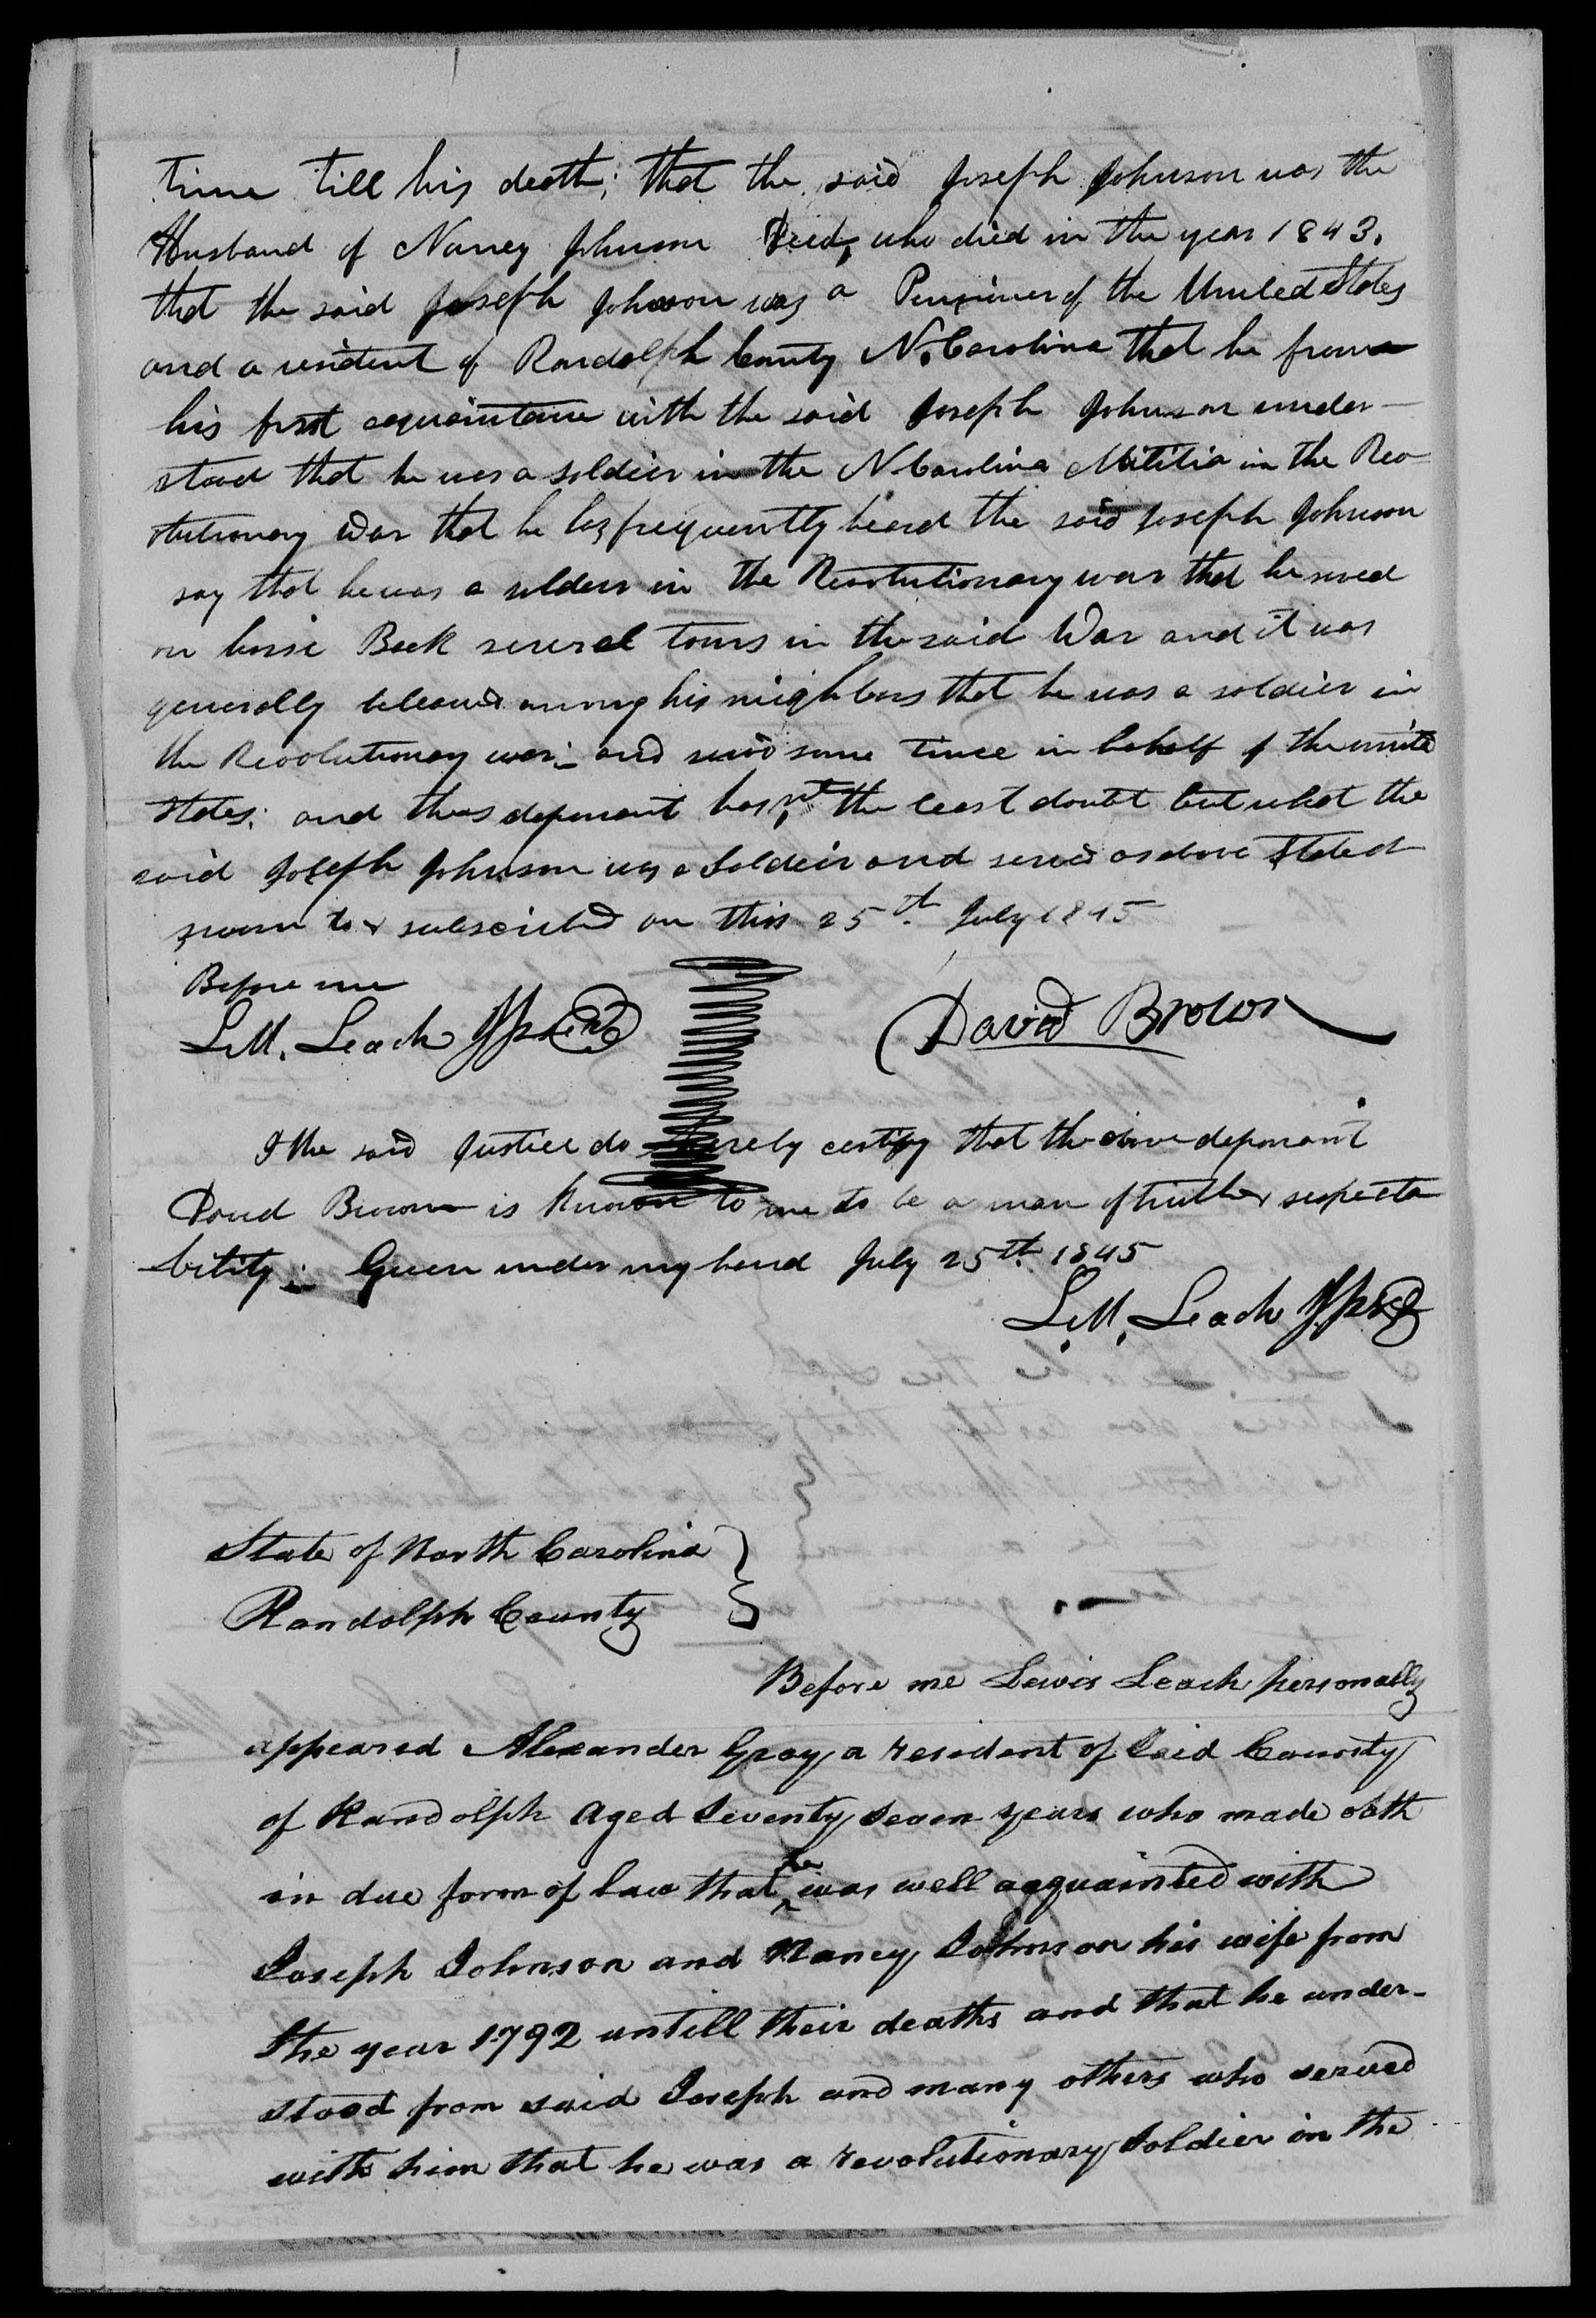time till his death; that the said Joseph Johnson was the Husband of Nancy Johnson Decd [deceased] who died in the year 1843 that the said Joseph Johnson was a Pensioner of the United States and a resident of Randolph County N. Carolina that he from his first acquaintance with the said Joseph Johnson understood that he was a soldier in the N. Carolina Militia in the Revolutionary war that he has frequently heard the said Joseph Johnson say that he was a solder in the Revolutionary war that he served on horse back several tours in the said War and it was generally believed many his neighbors that he was a soldier in the Revolutionary war, and served some time in behalf of the United States, and this deponent has not the least doubt but what the said Joseph Johnson was a soldier and served as above stated sworn to & subscribed on this 25th July 1845 
Before me} 
Lew Leach J Peace [signed] David Brown

I the said Justice do hereby certify that the above deponent David Brown is known to me to be a man of truth & respectability. Given under my hand July 25th 1845
Lew Leach J Peace

State of North Carolina} 
Randolph County} 
Before me Lewis Leach personally appeared Alexander Gray a resident of said County of Randolph aged Seventy Seven years who made oath in due form of law that he was well acquainted with Joseph Johnson and Nancy Johnson his wife from the year 1792 untill [until] their deaths and that he understood from said Joseph and many others who served with him that he was a revolutionary soldier in the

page: 38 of 41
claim: widow's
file: W. 5033, for Joseph Johnston, North Carolina